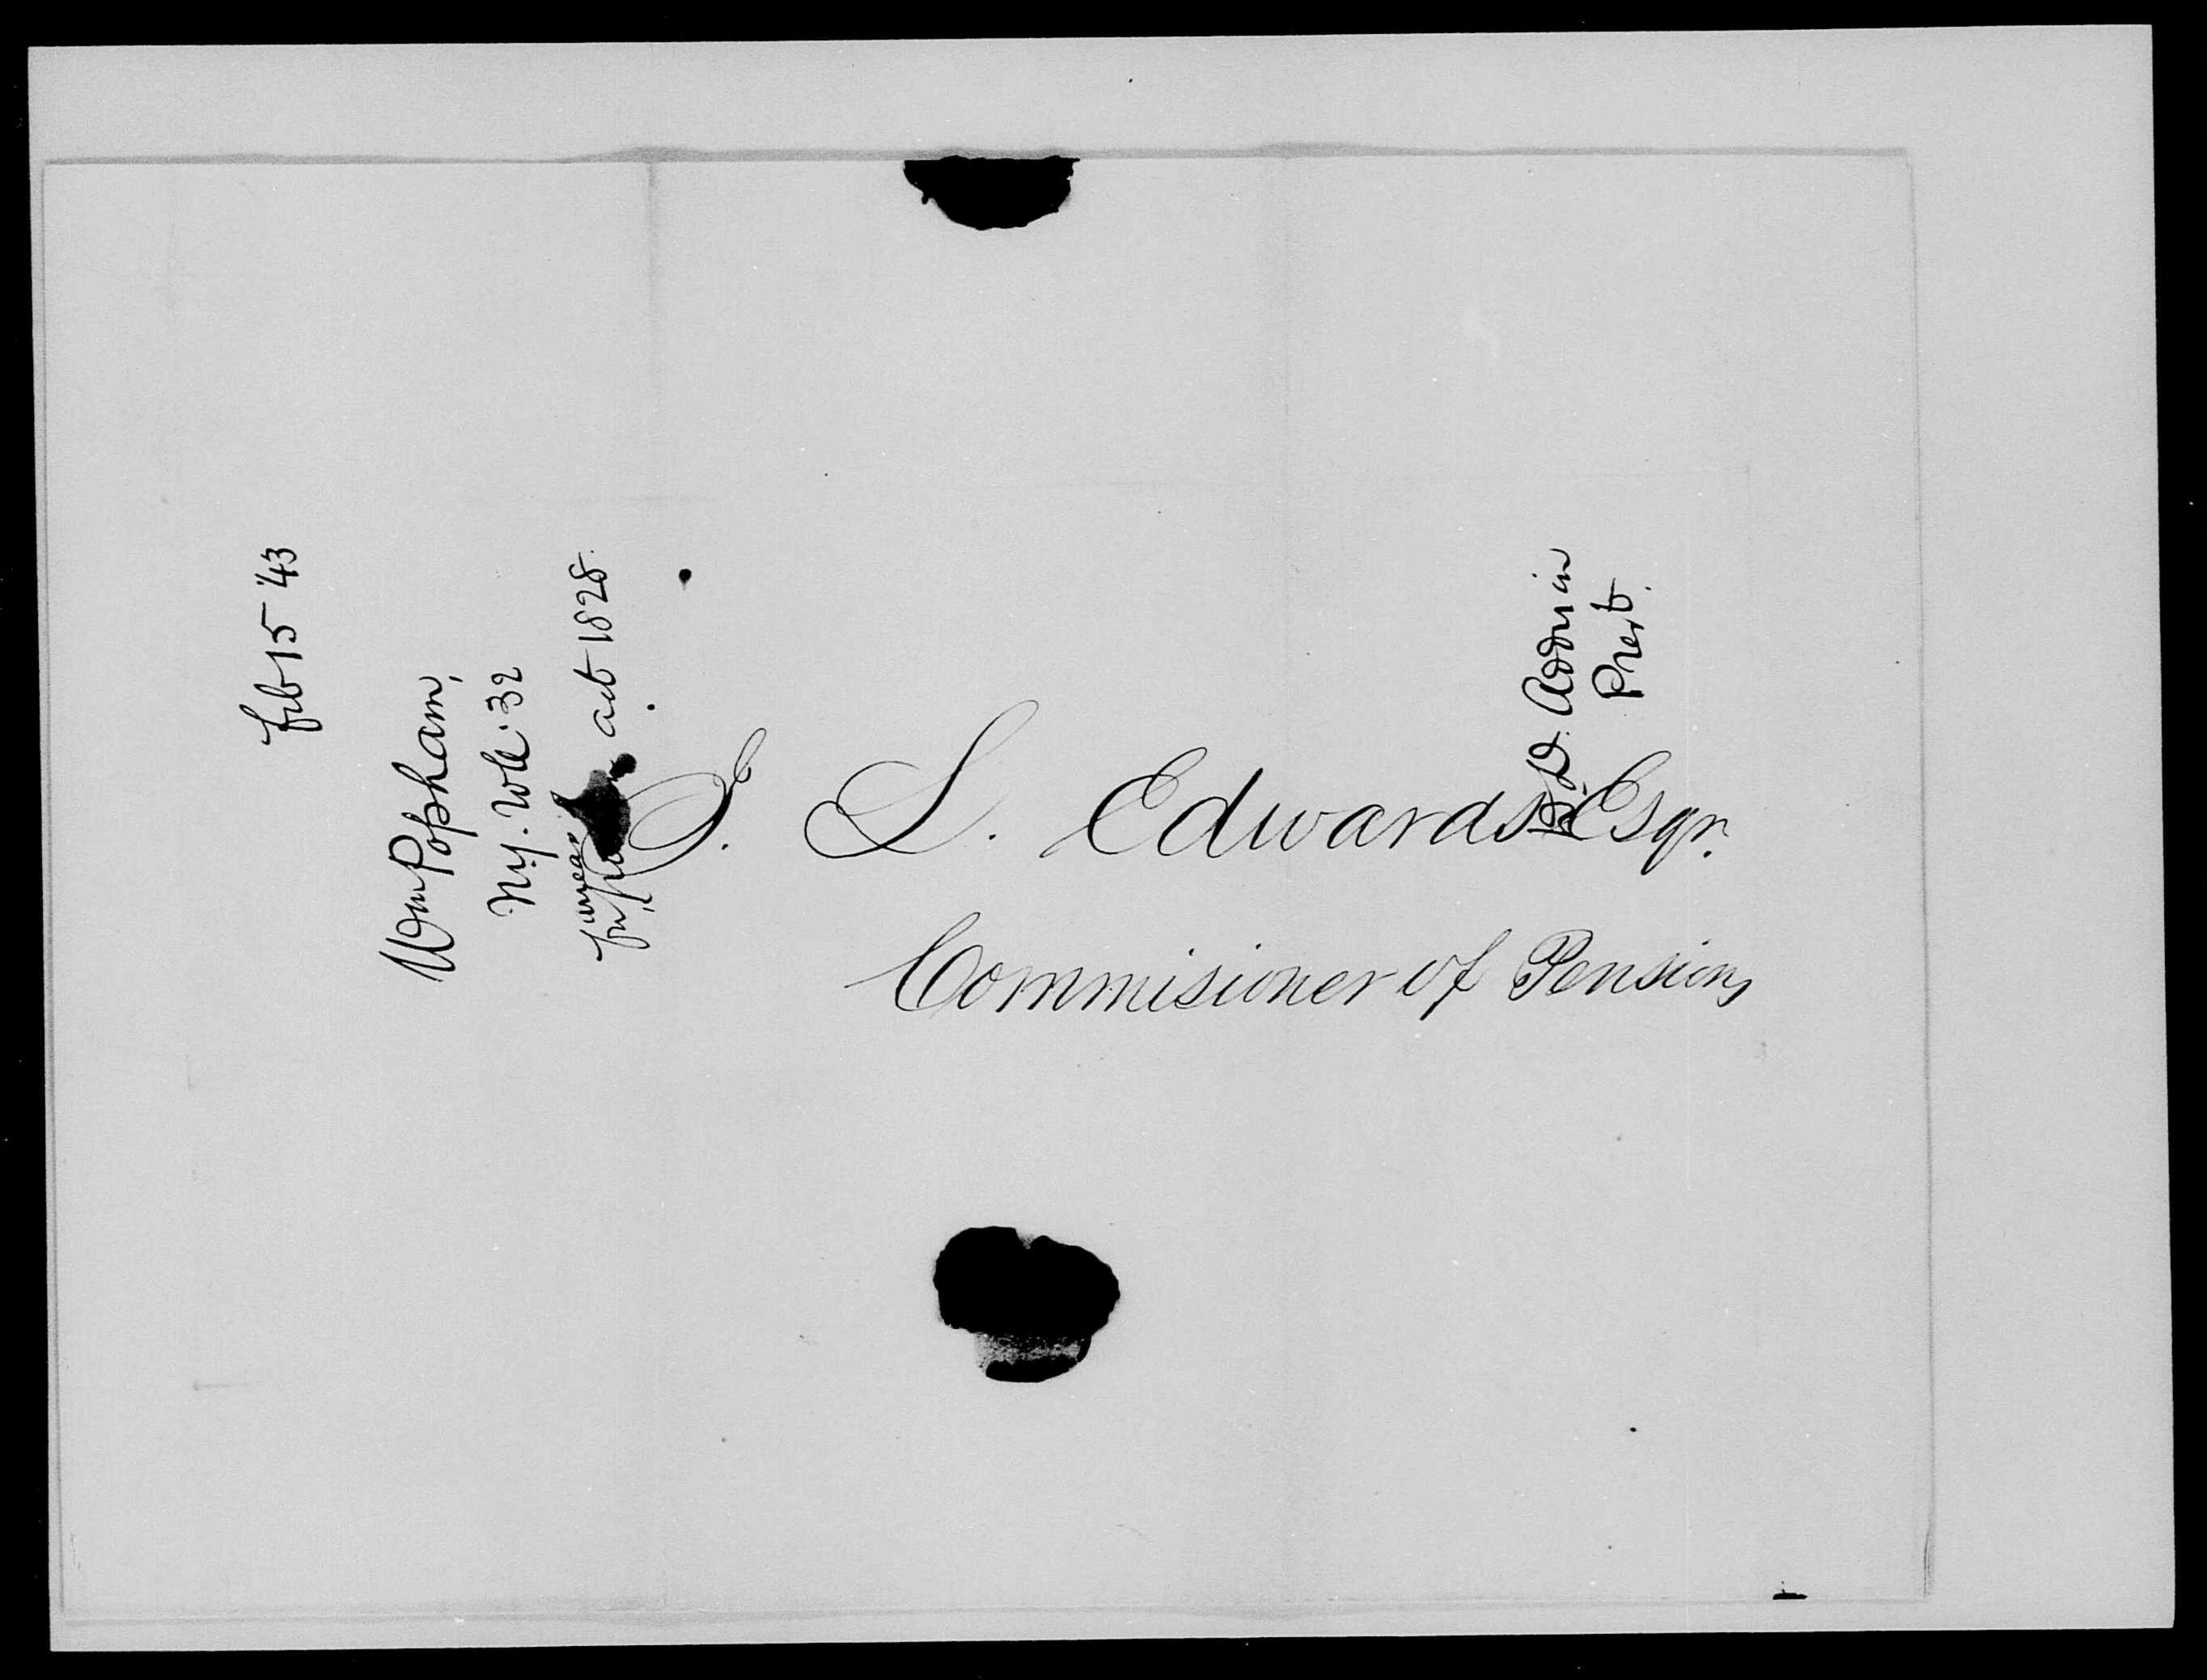Feb 15 43
Wm Popham
N.Y WC 32
arrear
for [illegible] act 1828
J. L. Edward Esqr
Commisioner of Pensions
D.D. Assn in Prevt.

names: Wm Popham; J L Edwards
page: 30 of 75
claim: survivor's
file: S. 9989, for William Popham, Delaware